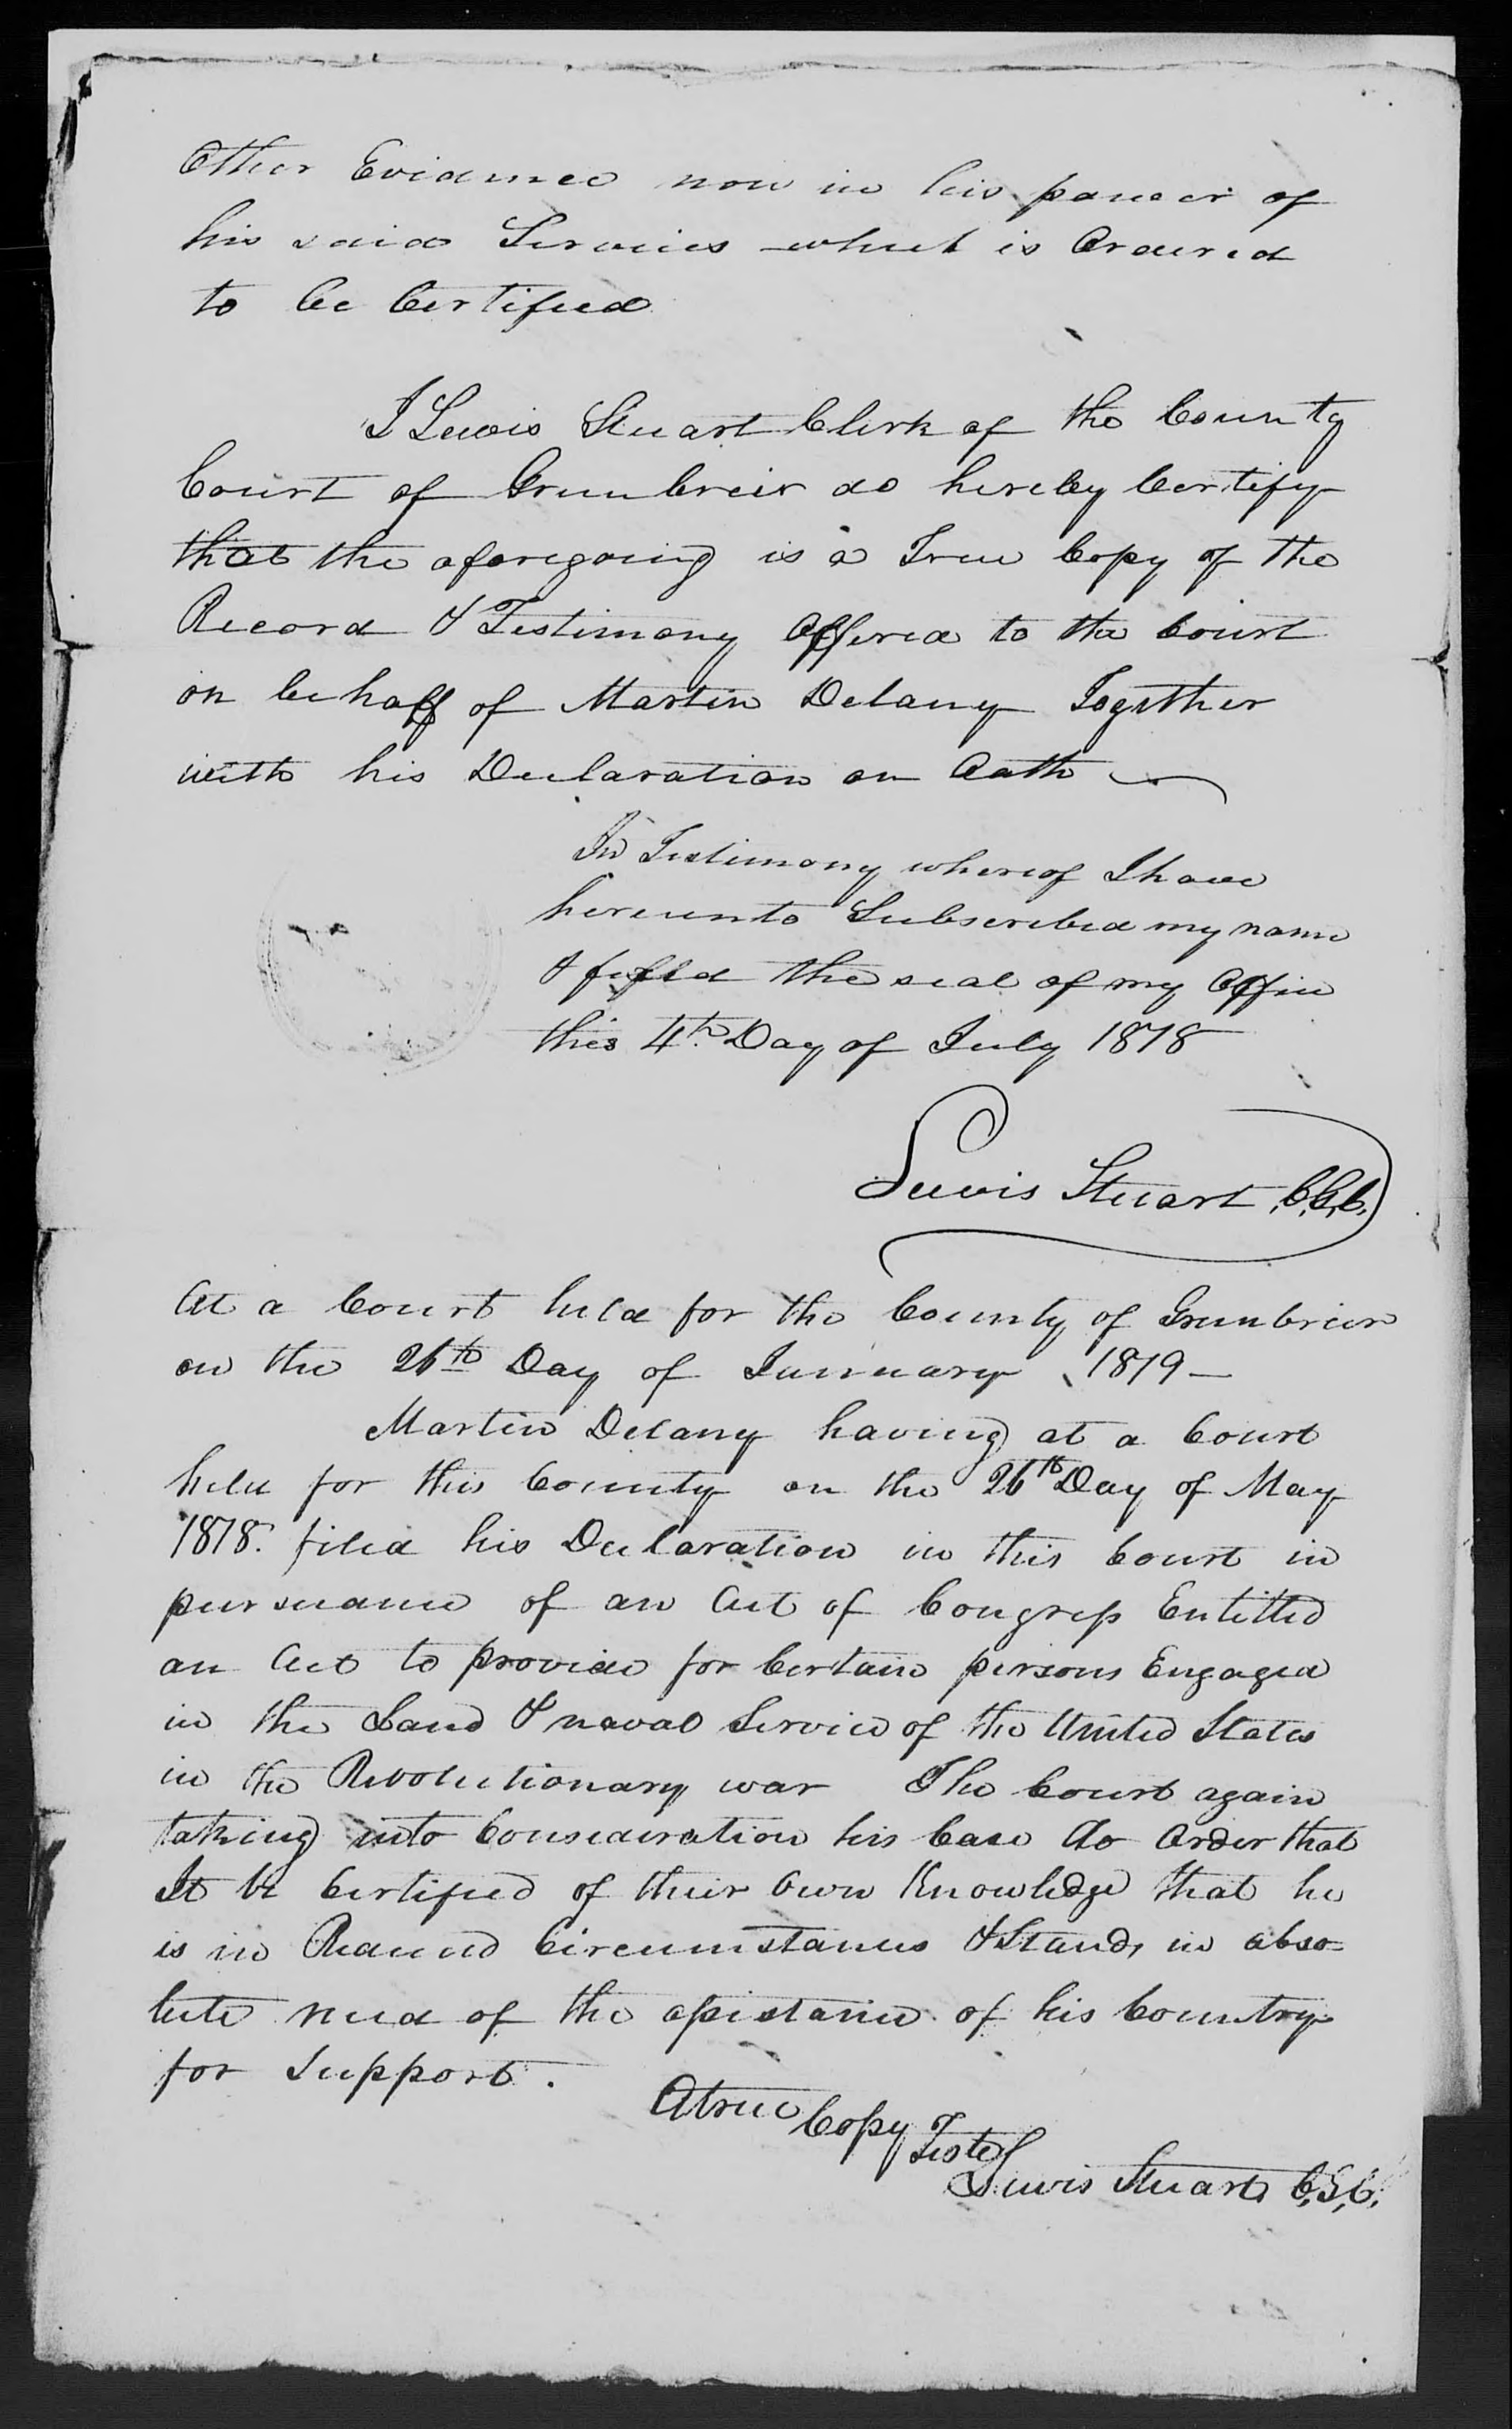other evidence now in his comparison of
his said services which is ordered to be certified.
I, Lewis Stuart, Clerk of the County Court of Greenbrier, do hereby certify that the aforegoing is a True Copy of the Record & Testimony offered to the Court on behalf of Martin Delany, together with his Declaration on Oath
In testimony whereof I have hereunto subscribed my name & filed the seal of my Office this 4th day of July 1878
Lewis Stuart, C.C.C.

At a Court held for the County of Greenbrier
on the 26th day of January 1819- Martin Delany, having at a Court held for this County on the 26th Day of May 1878, filed his declaration in this Court in pursuance of an act of Congress Entitled "An act to provide for certain persons engaged in the Land & naval service of the United States in the Revolutionary war." The Court again taking into consideration his case do order that It be certified of their own knowledge that he
is in Reduced Circumstances & stands in absolute need of the assistance of his Country
for support.
Above Copy List
Lewis Stuart, C.C.C.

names: Martin Delany, Lewis Stuart, Lewis Stuart, Lewis Stuart, Martin Delany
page: 10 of 22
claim: survivor's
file: S. 3,9425, Martin Delany, Penn.